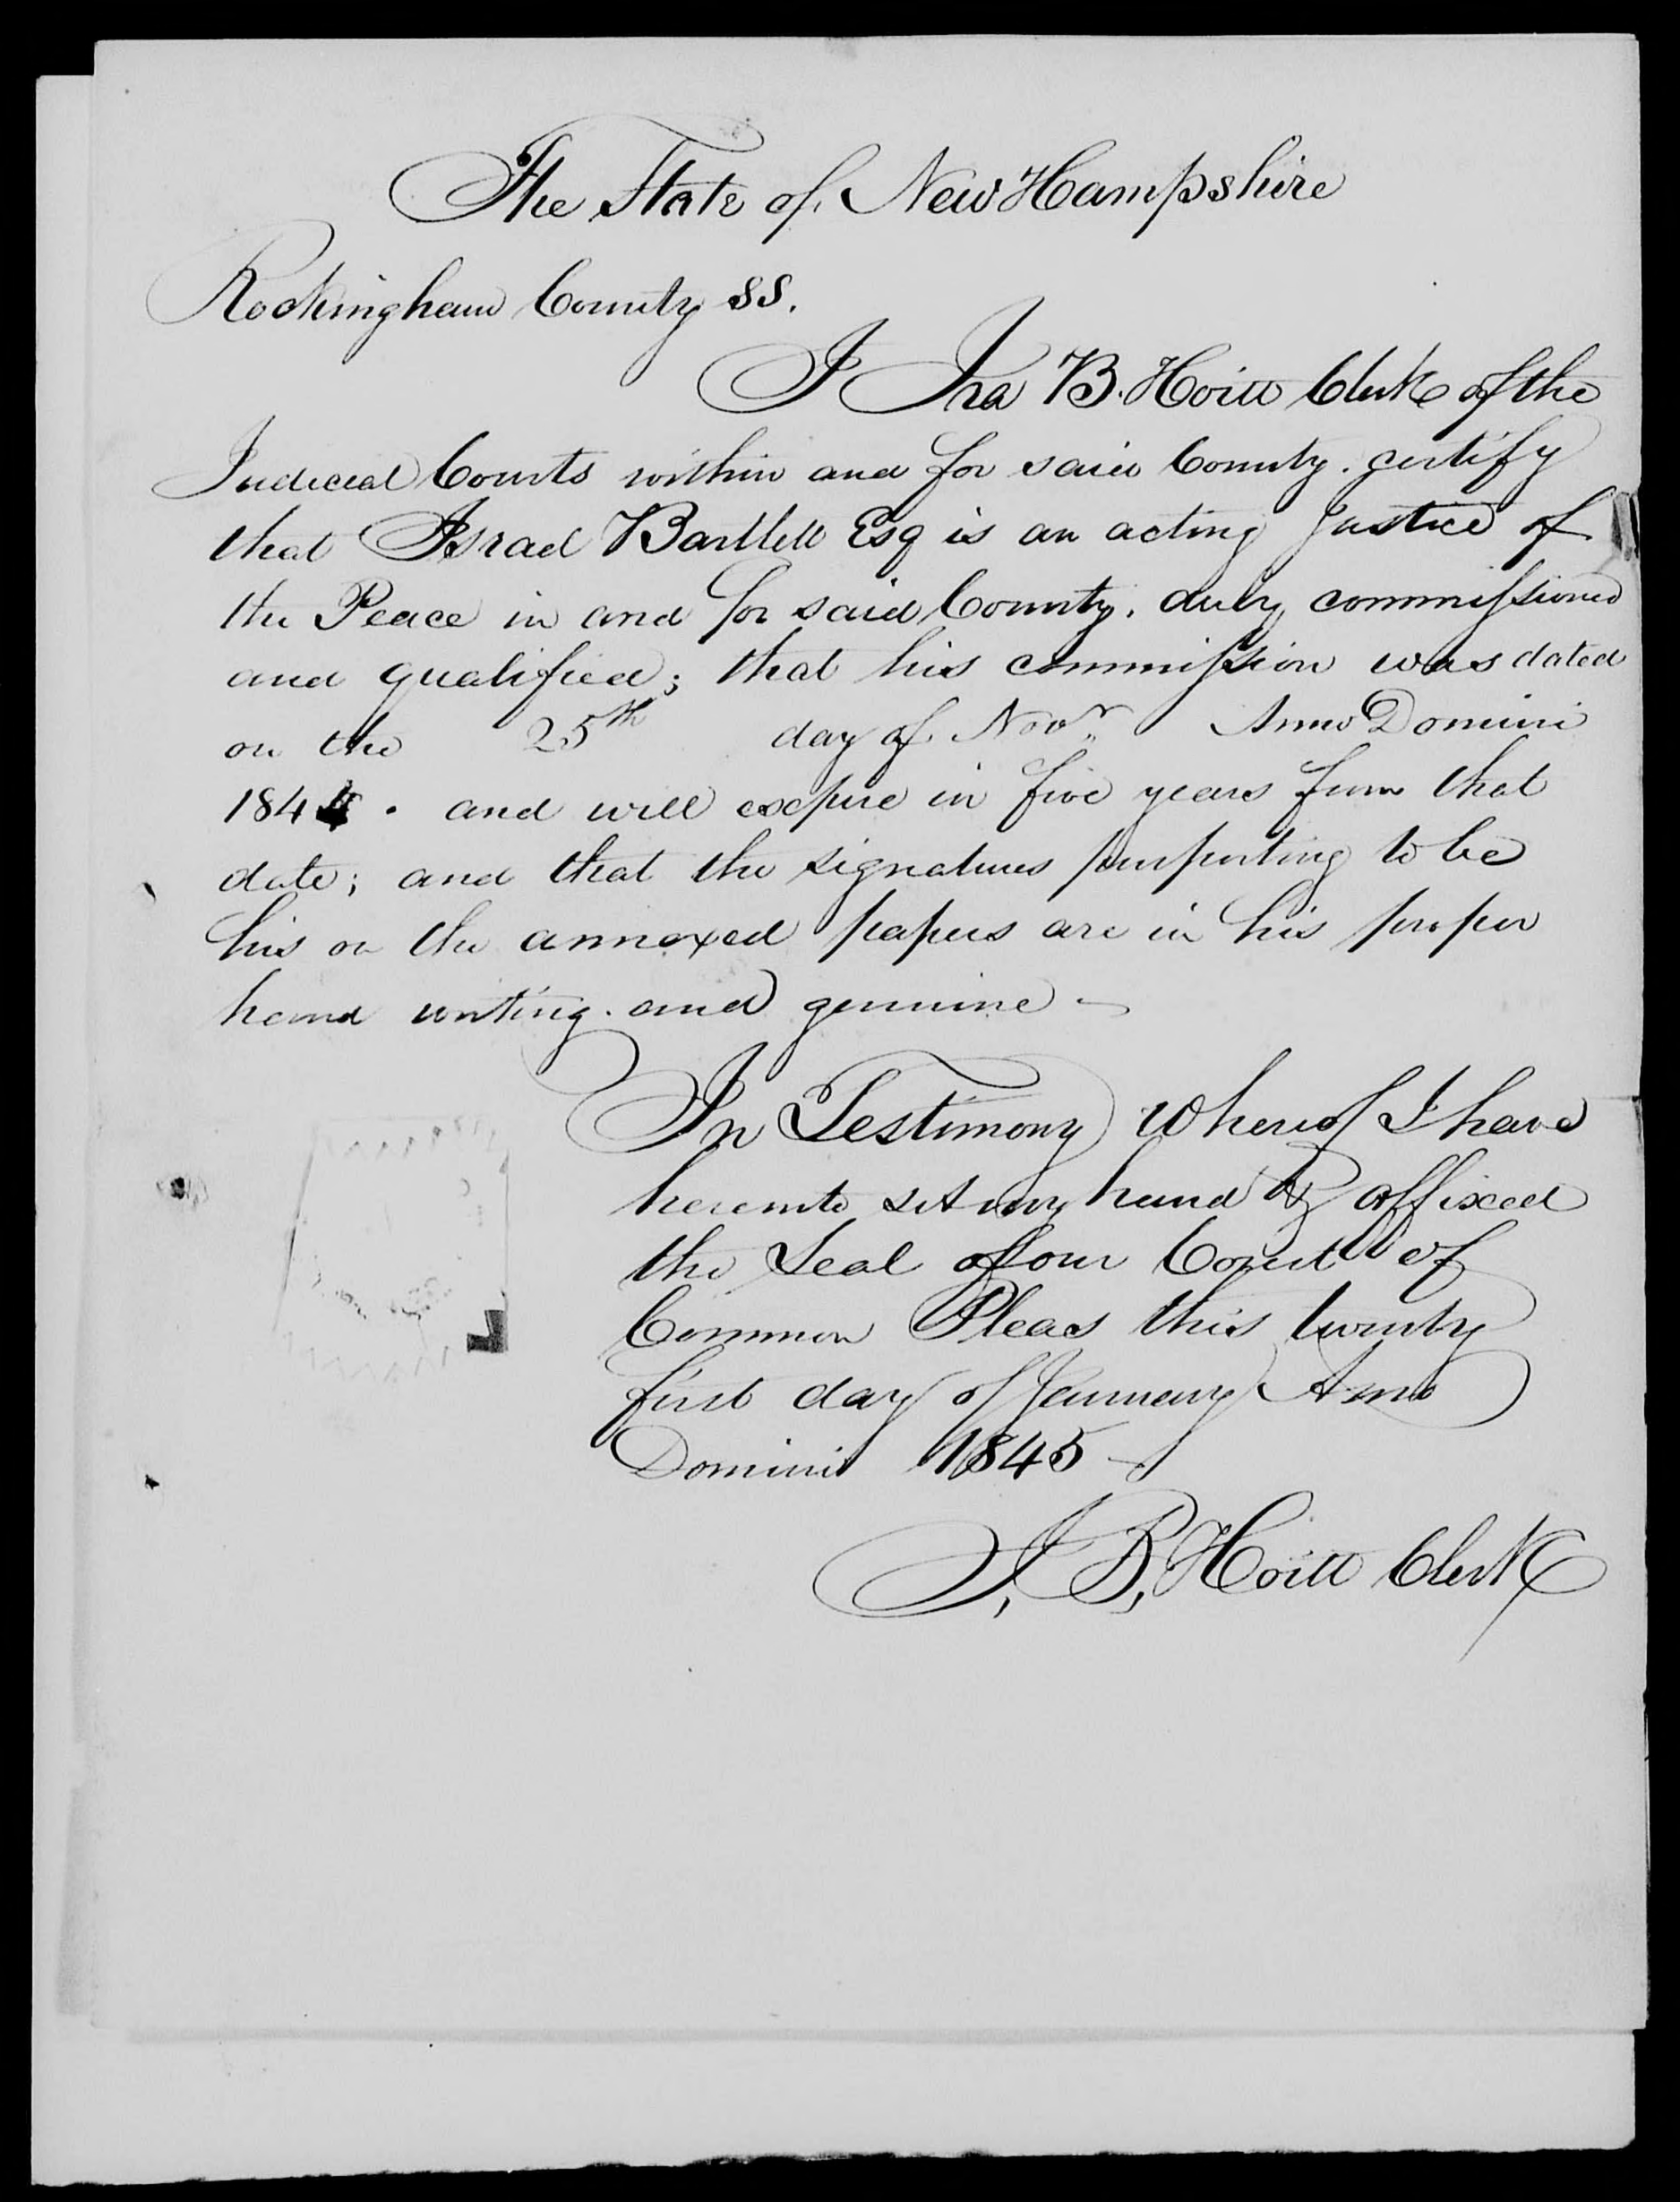The State of New Hampshire
Rockingham County SS
I Ira B. Hoitt Clerk of the Judicial Courts within and for said County certify that Israel Bartlett Esq is an acting Justice of
the Peace in and for said County, duly commissioned
and qualified; that his commission was dated on the 25th
day of Novr Anno Domini 1844. and will expire in five years from that date; and that the signatures purporting to be
his on the annexed papers are in his proper hand writing and
genuine-
In Testimony whereof I have
hereunto set my hand and affixed
the Seal of our Court of
Common Pleas this twenty first day of January Anno Domini 1845
J. B. Hoitt Clerk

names: Ira B Hoitt, J B Hoitt, Israel Bartlett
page: 7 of 47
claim: widow's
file: W. 24043, Jacob Davis, N.H.